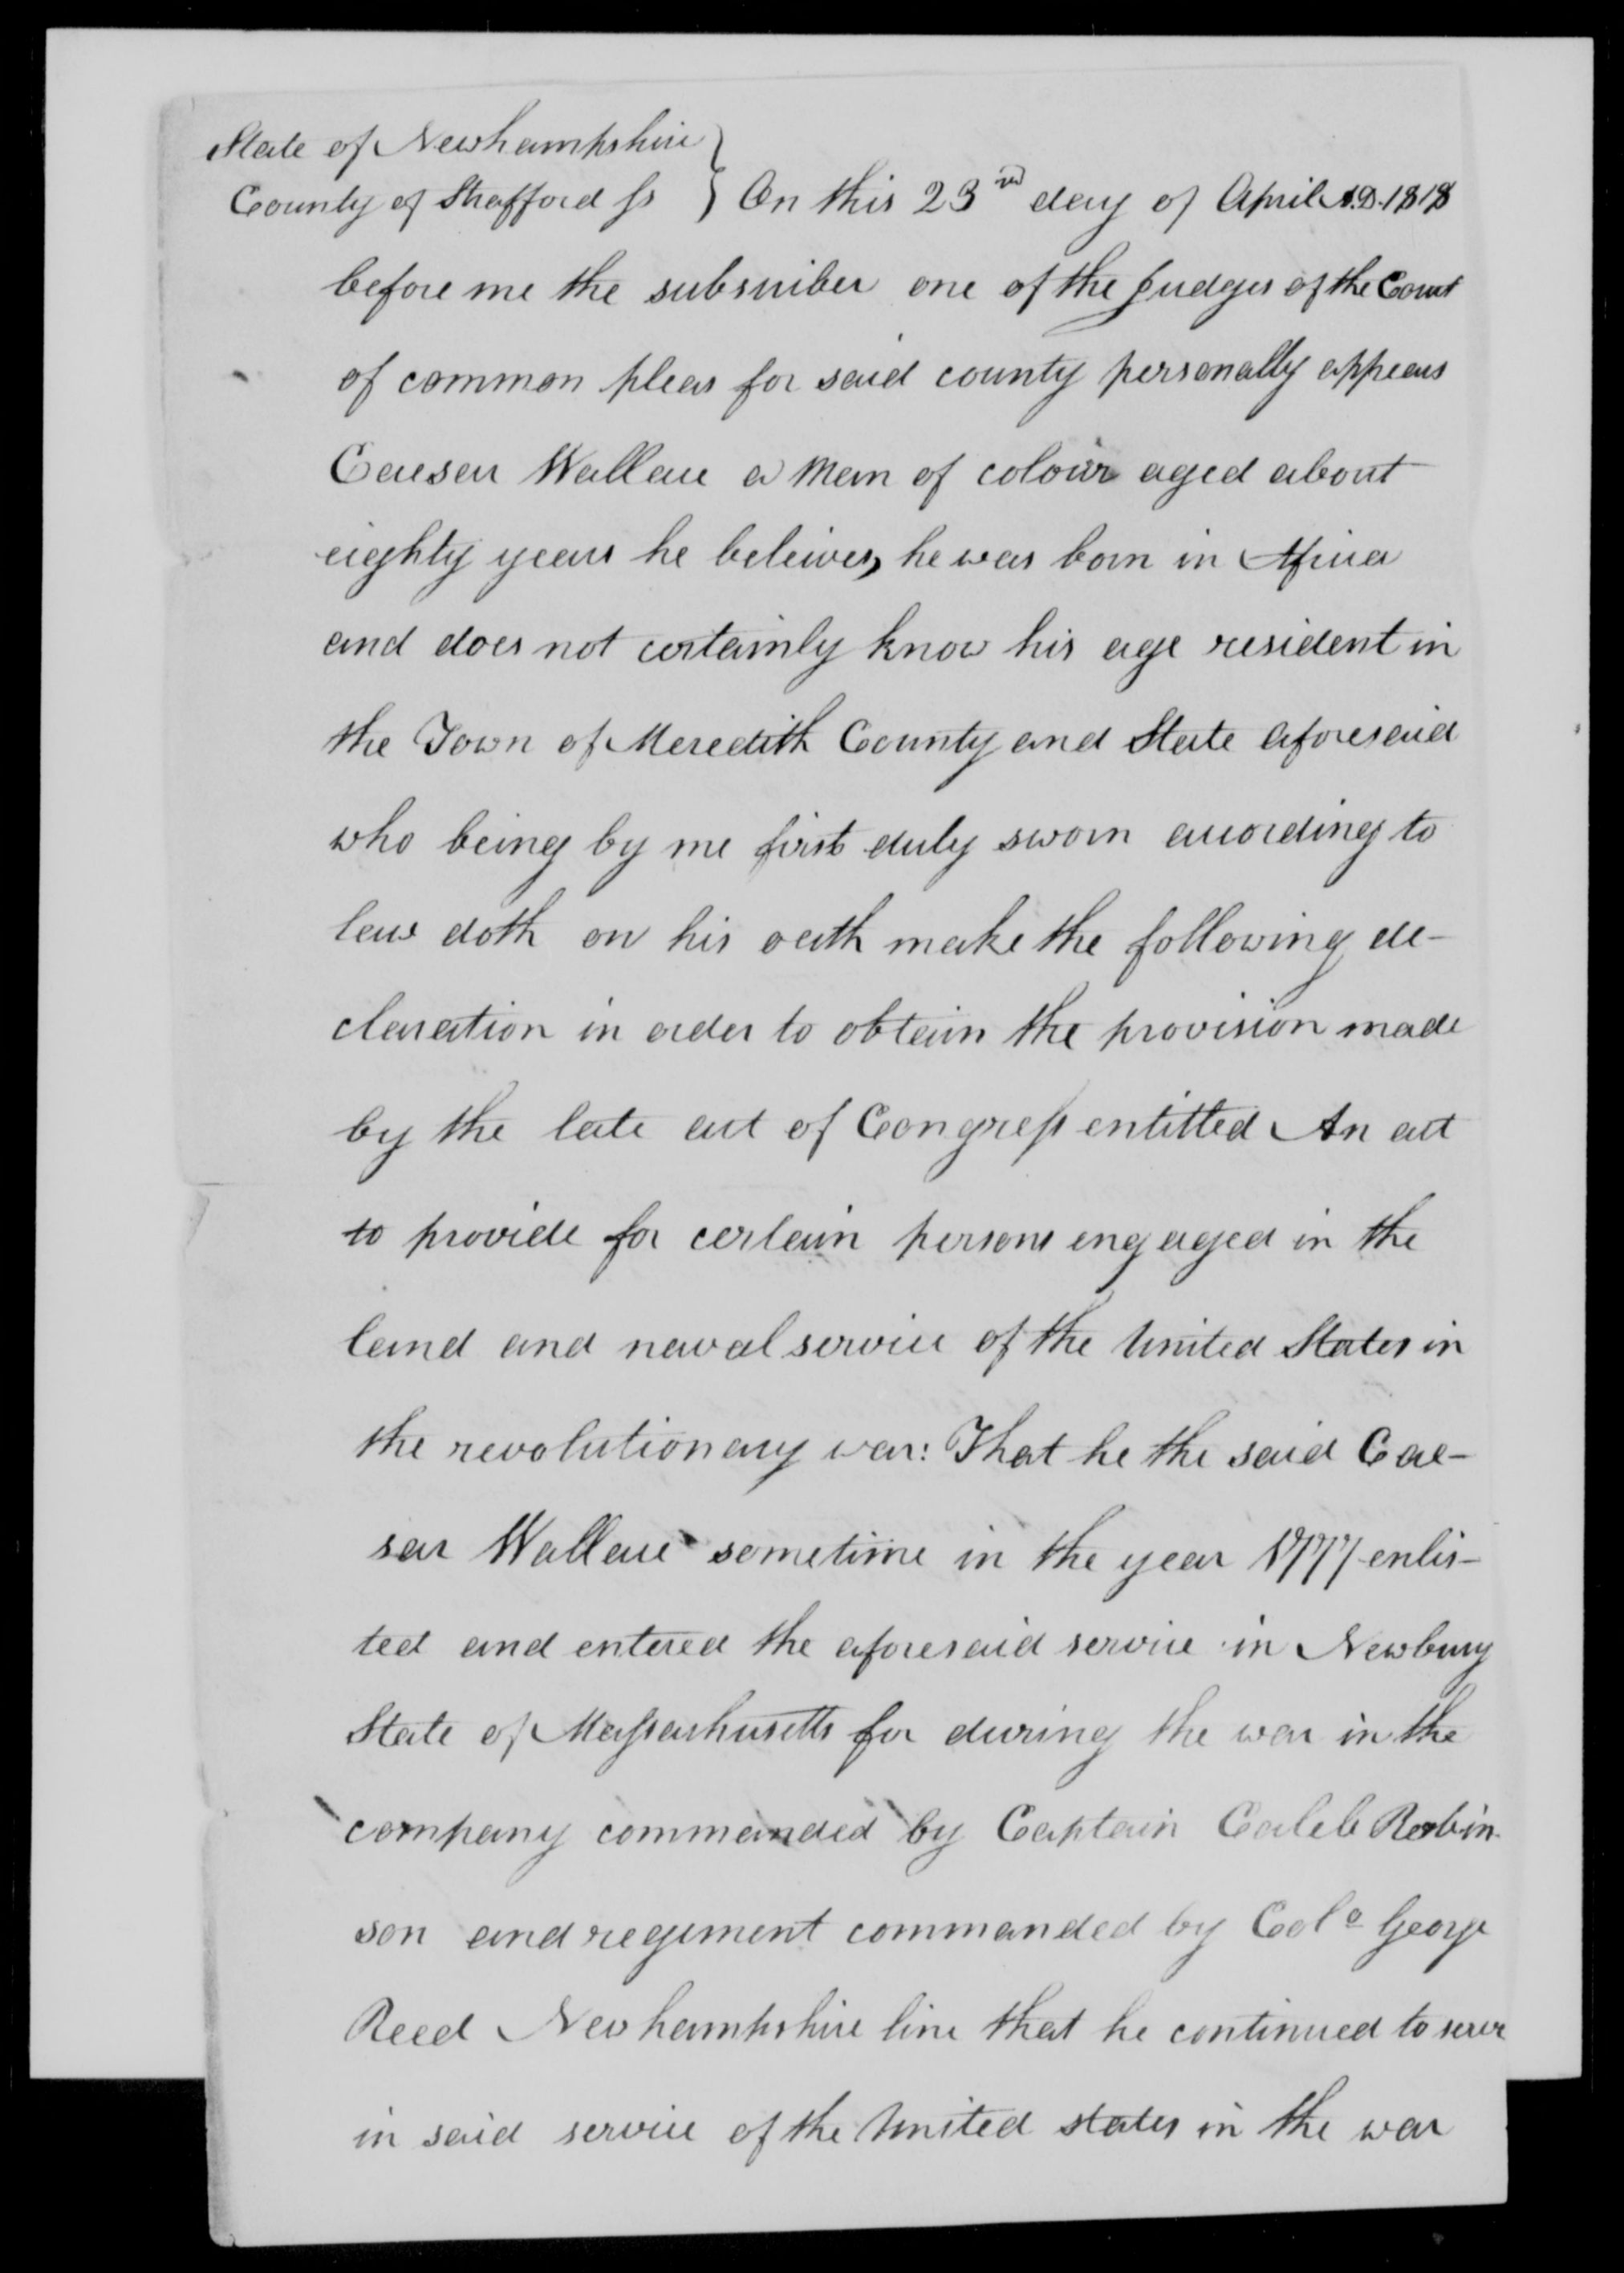State of Newhampshire
County of Strafford ss
}

On this 23rd day of April 1818 before me the subscriber one of the Judges of the Court of Common pleas for said county personally appears Caesar Wallace a man of colour aged about eighty years he believes, he was born in Africa and does not certainly know his age resident in the Town of Meredith County and State aforesaid who being by me first duly sworn according to law doth on his oath make the following declaration in order to obtain the provision made by the late act of Congress entitled An act to provide for certain persons engaged in the land and naval services of the United States in the revolutionary war: That he the said Caesar Wallace sometime in the year 1777 enlisted and entered the aforesaid service in Newbury State of Massachusetts for during the war in the company commanded by Captain Caleb Robinson and regiment commanded by Colo [Colonel] George Reed Newhampshire line that he continued to serve in said service of the United States in the war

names: Caesar Wallace, Caleb Robinson, George Reed, Caesar Wallace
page: 3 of 9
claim: survivor's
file: S. 43,250, Caesar Wallace, N.H.